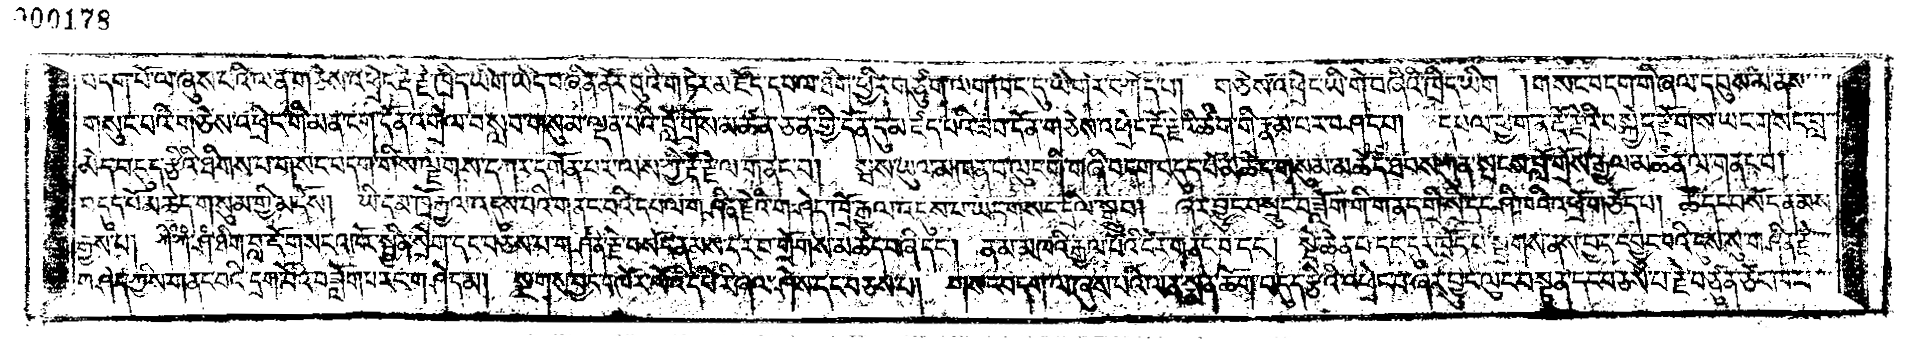བདག་པོ་ལ་ཞུས་པའི་ལན་གཅེས་འཕྲེང་རྡོ་རྗེ་ཁྲིད་ཡིག་ཡིད་བཞིན་ནོར་བུའི་གཏེར་མཛོད་དཔལ་ཐིག་ཕྱིར་གཙུག་ལག་ཁང་དུ་ཡི་གེར་བཀོད་པ། གཅེས་འཕྲེང་ཡི་གེ་བཞིའི་ཁྲིད་ཡིག །གསང་བདག་གི་ཞལ་དབུས་མ་ནས་
གསུང་བའི་གཅེས་འཕྲེང་གི་མན་ངག་དོན་འགྲེལ་བསླབ་གསུམ་ལྡན་པའི་བློ་གྲོས་མཚན་ཅན་གྱི་དོན་དུ་མཛད་པའི་ཟབ་དོན་གཅེས་འཕྲེང་རྡོ་རྗེའི་ཚིག་གི་རྣམ་པར་བཤད་པ། དཔལ་ཕྱག་ན་རྡོ་རྗེའི་བསྐྱེད་རྫོགས་ཡང་གསང་བླ་
མེད་བདུད་རྩིའི་ཐིགས་པ་གསང་བདག་གིས་ལྗགས་དཀར་དགོན་པར་ལས་ཀྱི་རྡོ་རྗེ་ལ་གནང་བ། སྦས་ཡུལ་མཁན་པ་ལུང་གི་གཞི་བདག་བདུད་པོ་མཆེད་གསུམ་མཆོད་ཐབས་ཀུན་སྤངས་བློ་གྲོས་རྒྱལ་མཚན་ལ་གནང་བ།
བདུད་པོ་མཆེད་གསུམ་གྱི་མདོས། ཡི་དམ་ཁྲོ་རྒྱལ་འདུས་པའི་གནང་བའི་དཔལ་གཤིན་རྗེའི་གཤེད་ཁྲོ་རྒྱལ་འདུས་པ་ཡང་གསང་དྲིལ་སྒྲུབ། ཞར་བྱུང་བསྲུང་བཟློག་གི་གནད་གྲི་སྲི་དང་ཤི་ཁའི་འཕྲོ་གཅོད་པ། ཚེ་དང་བསོད་ནམས་
རྒྱས་པ། ཀིཾ་ཀཾ་ཤཾ་ཐིག་བླ་རྡོ་གསང་འཁྲོ་སྦྱིན་སྲེག་དང་བཅས་པ་གཤིན་རྗེ་བསོད་ནམས་དར་བ་གྲོགས་མཆེད་བཞི་དང་། ནམ་མཁའི་རྒྱལ་པོའི་ངོར་གནང་བ་དང་། སྡེ་ཆེན་པ་དང་དུར་ཁྲོད་པ་སྦྲགས་ནས་བྱད་དབྱུང་བའི་དུས་སུ་གཤིན་རྗེ་
གཤེད་ཀྱིས་གནང་བའི་དྲག་པོའི་བཟློག་པ་རང་གཤེད་མ། སྔགས་བྱང་འཁོར་ལོའི་དཔེ་རི་ཞལ་ཤེས་དང་བཅས་པ། གསང་བདག་ལ་ཞུས་པའི་ལན་སྨན་ཆོག་བདུད་རྩིའི་འཕྲེང་བ་ཞར་བྱུང་ལུང་བསྟན་དང་བཅས་པ་རྗེ་བཙུན་ཙོང་ཁ་པ་